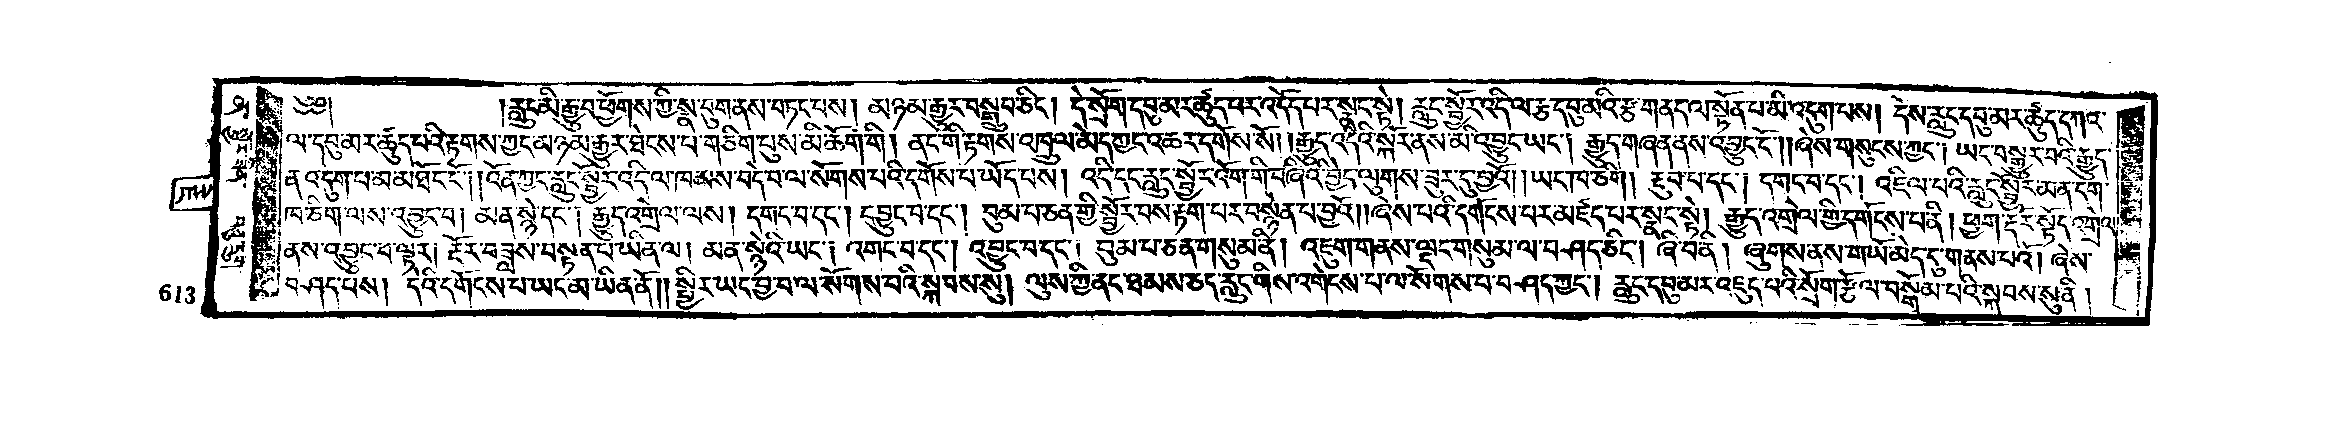༄༅། །རླུང་མི་རྒྱུ་བ་ཕྱོགས་ཀྱི་སྣ་བུག་ནས་བཏང་པས། མཉམ་རྒྱུར་བསྒྲུབ་ཅིང་། དེ་སྲོག་དབུ་མར་ཚུད་པར་འདོད་པར་སྣང་སྟེ། རླུང་སྦྱོར་འདི་ལ་རྩ་དབུ་མའི་རྩ་གནད་ལ་སྟོན་པ་མི་འདུག་པས། དེས་རླུང་དབུ་མར་ཚུད་དཀའ་
ལ་དབུ་མར་ཚུད་པའི་རྟགས་ཀྱང་མཉམ་རྒྱུར་ཐེངས་པ་གཅིག་པུས་མི་ཆོག་གི །ནང་གི་རྟགས་འཁྲུལ་མེད་ཀྱང་འཆར་དགོས་སོ། །རྒྱུད་འདིའི་སྐོར་ནས་མི་འབྱུང་ཡང་། རྒྱུད་གཞན་ནས་འབྱུང་ངོ། །ཞེས་གསུངས་ཀྱང་། ཡང་བསྒྱུར་བའི་རྒྱུད་
ན་འདུག་པ་མ་མཐོང་ངོ། །འོན་ཀྱང་རླུང་སྦྱོར་འདི་ལ་ཁམས་བདེ་བ་ལ་སོགས་པའི་དགོས་པ་ཡོད་པས། འདི་དང་རླུང་སྦྱོར་འོག་གི་བཞིའི་བྱེད་ལུགས་ཟུར་དུ་བྱའོ། །ཡང་ཁ་ཅིག །རྔུབ་པ་དང་། དགང་བ་དང་། འཇིལ་བའི་རླུང་སྦྱོར་མན་ངག་
ཁ་ཅིག་ལས་འབྱུང་བ། མན་སྙེ་དང་། རྒྱུད་འགྲེལ་ལས། དགང་བ་དང་། དབྱུང་བ་དང་། བུམ་པ་ཅན་གྱི་སྦྱོར་བས་རྟག་པར་བསྙེན་པ་བྱའོ། །ཞེས་པའི་དགོངས་པར་མཛད་པར་སྣང་སྟེ། རྒྱུད་འགྲེལ་གྱི་དགོངས་པ་ནི། ཕྱག་རྡོར་སྟོད་འགྲེལ་
ནས་འབྱུང་བ་ལྟར། རྡོར་བཟླས་བསྟན་པ་ཡིན་ལ། མན་སྙེའི་ཡང་། འགང་བ་དང་། འབྱུང་བ་དང་། བུམ་པ་ཅན་གསུམ་ནི། འཇུག་གནས་ལྡང་གསུམ་ལ་བཤད་ཅིང་། ཞི་བ་ནི། ཞུགས་ནས་གཡོ་མེད་དུ་གནས་པའོ། །ཞེས་
བཤད་པས། དེའི་དགོངས་པ་ཡང་མ་ཡིན་ནོ། །སྤྱིར་ཡང་བྱ་བ་ལ་སོགས་པའི་སྐབས་སུ། ལུས་ཀྱི་ནང་ཐམས་ཅད་རླུང་གིས་འགེངས་པ་ལ་སོགས་པ་བཤད་ཀྱང་། རླུང་དབུ་མར་འཛུད་པའི་སྲོག་རྩོལ་བསྒོམ་པའི་སྐབས་སུ་ནི།